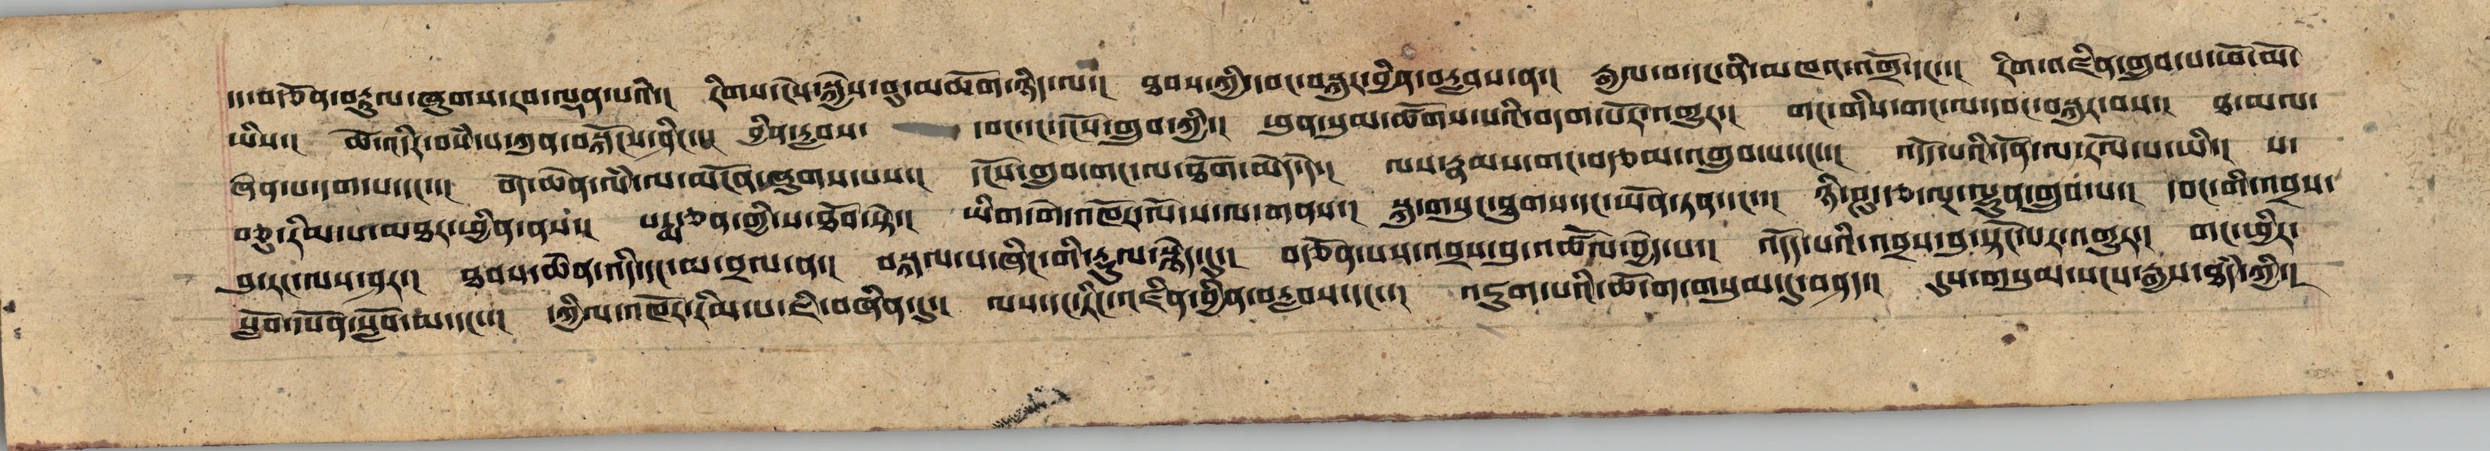དད་བརྩོན་བརྟུལ་ཞུགས་རབ་ལྡན་པའི་། རིགས་ངེས་སྐྱེས་བུ་མཆོག་ཉིད་ལ་། ཐབས་ཀྱི་དབང་བསྐུར་བྱིན་བརླབས་ན་། རྒྱལ་བ་དང་ནི་མཁའ་འགྲོ་དང་་། རིག་འཛིན་གྲུབ་པ་ཕོ་མོ་
ཡིས་། ཚེ་འདིར་བསཾ་པ་ཀུན་བསྐོངས་ཤིང་་། བྱིན་རླབས་ དབང་དང་དངོས་གྲུབ་ཀྱི་། ཕུན་སུམ་ཚོགས་པའི་བདག་པོར་འགྱུར་། གང་གིས་གང་ལ་དབང་བསྐུར་བས་། ཐ་མལ་
ཞེན་པ་དག་པ་དང་་། བདེ་ཆེན་ལཾ་ལ་མངོན་ཞུགས་པས་། དངོས་གྲུབ་གང་ལ་ཐོག་མེད་དེ་། ལས་རྣམས་གང་བརྩམ་འགྲུབ་པ་དང་་། འདོད་པའི་དོན་ལ་རོལ་པ་ཡི་། ས་
བཅུ་རིམ་པ་མཐར་ཕྱིན་ནས་། པདྨ་ཅན་གྱི་ས་ཐོབ་སྟེ་། ཡིག་གེ་འཁོར་ལོ་ས་ལ་གནས་། སྐུ་གསུང་ཐུགས་དང་ཡོན་ཏན་དང་་། ཉི་ཤུ་རྩ་ལྔ་ལྷུན་གྲུབ་པ་། དབང་གི་འབྲས་
བུ་རང་ལས་ཤར་། ཐབས་ཆེན་འདི་དང་མ་བྲལ་ན་། བསྐལ་པ་ཞིང་གི་རྟུལ་སྙེད་དུ་། བརྩོན་པས་འབྲས་བུ་འཚོལ་བྱེད་པ་། འདོད་པའི་འབྲས་བུ་སྟོང་པར་འགྱུར་། གང་ཕྱིར་
སློབ་དཔོན་སློབ་མ་དང་་། དཀྱིལ་འཁོར་རིམ་པ་ཇི་བཞིན་དུ་། ལས་དང་ཏིང་འཛིན་བྱིན་བརླབས་དང་་། འཇུག་པའི་ཆོ་ག་གསུམ་དུ་བཤད་། དུས་གསུམ་སངས་རྒྱས་ཐདཾ་ཀྱི་།